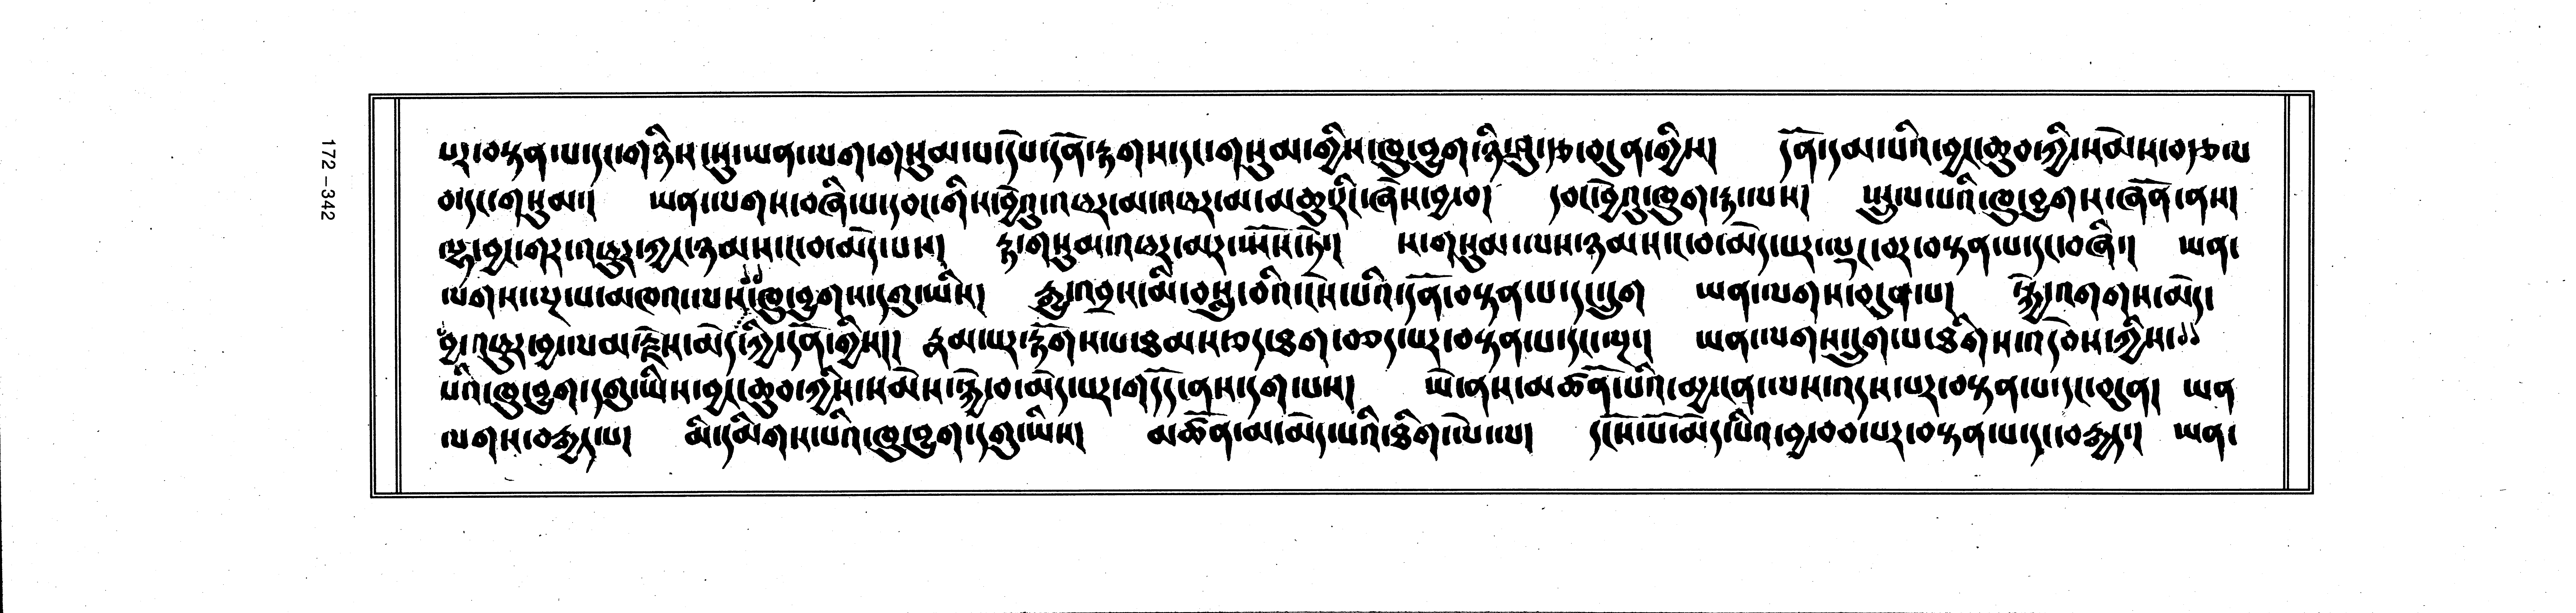པར་བསྟན་པ་དང་གཉིས་སུ་ཡན་ལག་གསུམ་པ་དཔེ་དོན་རྟགས་དང་གསུམ་གྱིས་ཁུ་བྱུག་ཉི་ཤུ་རྩ་བདུན་གྱིས། དོན་དམ་པའི་བྱང་ཆུབ་ཀྱིས་སེམས་བརྩལ་
བ་དང་གསུམ། ཡན་ལག་བཞི་པ་དབང་གིས་བྱེའུ་འཕར་མ་འཕར་མ་མཆུ་རིང་ཞེས་བྱ་བ། དབང་བྱེའུ་ཁུག་རྟ་ལས། སྤྲུལ་པའི་ཁུ་བྱུག་ཞོན་ནས། 
ལྷོ་བྱང་གར་འཕུར་ཀྱང་ཉམས་ང་བ་མེད་པས། རྟ་གསུམ་འཕར་མར་སྤོས་ཏེ། ས་གསུམ་ལས་ཉམས་ང་བ་མེད་པར་ལྡང་བར་བསྟན་པ་དང་བཞི། ཡན་
ལག་ལྔ་པ་མཁའ་ལས་བྱ་འཕུར་བྱ་ལམ་རྗེས་མེད་ཀྱི་དོན་གྱིས། རྒྱུ་འབྲས་མི་བསླུ་བའི་ངེས་པའི་དོན་བསྟན་པ་དང་དྲུག ཡན་ལག་བདུན་པ། སྐྱེ་འགགས་མེད
བྱ་འཕུར་བྱ་ལམ་མཁའ་པར་ཁུ་བྱུག་དགུ་ཡིུ། རྣམ་པར་རྟོགས་པ་ཐམས་ཅད་ཐག་བཅད་པར་བསྟན་པ་དང་ལྔ་། ཡན་ལག་དྲུག་པ་ཐིགས་འདེབས་ཀྱིས་
པའི་ཁུ་བྱུག་དགུ་ཡིས་བྱང་ཆུབ་ཀྱིས་སེམས་སྐྱེ་བ་མེད་པར་གདོད་ནས་དག་པས། ཡེ་ནས་མཚོན་པའི་མྱ་ངན་ལས་འདས་པར་བསྟན་པ་དང་བདུན། ཡན་
ལག་བརྒྱད་པ། མི་དམིགས་པའི་ཁུ་བྱུག་དགུ་ཡིས། མཚན་མ་མེད་པའི་ཐིག་ལེ་ལ། དངོས་པོ་མེད་པའི་བྱ་བབ་པར་བསྟན་པ་དང་བརྒྱད། ཡན་